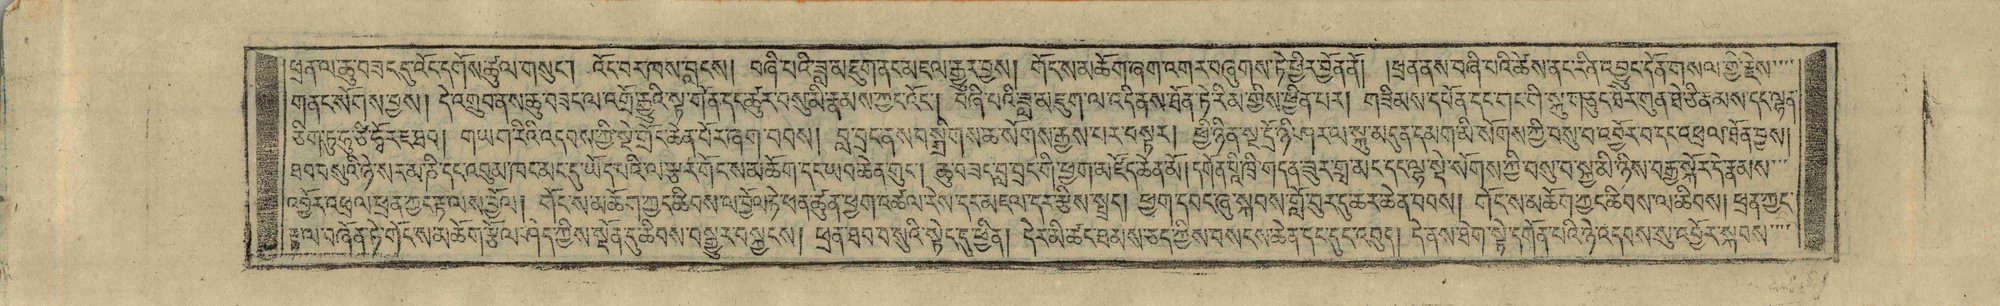ཕྲན་ལ་ཆུ་བཟང་དུ་འོང་དགོས་ཚུལ་གསུང་། འོང་བར་ཁས་བླངས། བཞི་པའི་ཟླ་མཇུག་ནང་མཇལ་རྒྱུར་བྱས། གོང་ས་མཆོག་ཞག་འགར་བཞུགས་ཏེ་ཕྱིར་བྱོན་ནོ། །ཕྲན་ནས་བཞི་པའི་ཚེས་ནང་རིན་འབྱུང་དོན་གསལ་གྱི་རྗེས་
གནང་སོགས་བྱས། དེ་འགྲུབ་ནས་ཆུ་བཟང་ལ་འགྲོ་རྒྱུའི་སྟ་གོན་དང་ཚུར་བསུ་མི་རྣམས་ཀྱང་འོང་། བཞི་པའི་ཟླ་མཇུག་ལ་འདི་ནས་ཐོན་ཏེ་རིམ་གྱིས་ཕྱིན་པར། གཟིམས་དཔོན་དང་གང་གི་སྐུ་གཅུང་ཐེར་གུན་ཐེ་ཅི་རྣམས་དང་ལྷན་
ཅིག་ཏུ་ཧུ་ཙི་ཧྭོར་ཇ་ཐབ། གཡག་རིའི་འདབས་ཀྱི་སྡེ་གྲོང་ཆེན་པོར་ཞག་བབས། བླ་བྲང་ནས་བསྒྲིགས་ཆ་སོགས་རྒྱས་པར་བསྟར། ཕྱི་ཉིན་སྔ་དྲོ་ཉི་ཤར་ལ་སྐུ་མདུན་དམག་མི་སོགས་ཀྱི་བསུ་བ་འབྱོར་བ་དང་འཕྲལ་ཐོན་བྱས།
ཐབ་བསུའི་ཉེ་སར་མ་ཎི་དང་འབུམ་ཁང་མང་དུ་ཡོད་པའི་ལ་རྩར་གོང་ས་མཆོག་དང་ཡབ་ཆེན་གུང་། ཆུ་བཟང་བླ་བྲང་གི་ཕྱག་མཛོད་ཆེན་མོ། དགོན་པའི་ཁྲི་གདན་ཟུར་གྲྭ་མང་དང་ལྷ་སྡེ་སོགས་ཀྱི་བསུ་བ་སྐྱ་མི་ཉིས་བརྒྱ་སྐོར་དེ་རྣམས་
འབྱོར་འཕྲལ་ཕྲན་ཀྱང་རྟ་ལས་བྱོལ། གོང་ས་མཆོག་ཀྱང་ཆིབས་ལ་བྱོལ་ཏེ་ཕན་ཚུན་ཕྱག་འཚལ་རེས་དང་མཇལ་དར་རྩིས་སྤྲད། ཕྱག་དབང་ཞུ་སྐབས་གློ་བུར་དུ་ཆར་ཆེན་བབས། གོང་ས་མཆོག་ཀྱང་ཆིབས་ལ་ཆིབས། ཕྲན་ཀྱང་
རྟ་ལ་བཞོན་ཏེ་གོང་ས་མཆོག་རྩོལ་ཤེད་ཀྱིས་སྔོན་དུ་ཆིབས་བསྒྱུར་བསྐྱངས། ཕྲན་ཐབ་བ་སུའི་སྟེང་དུ་ཕྱིན། དེར་མི་ཚང་ཐམས་ཅད་ཀྱིས་བསངས་ཆེན་དང་དུང་འབུད། དེ་ནས་ཐེག་སྟེ་དགོན་པའི་ཉེ་འདབས་སུ་འབྱོར་སྐབས་